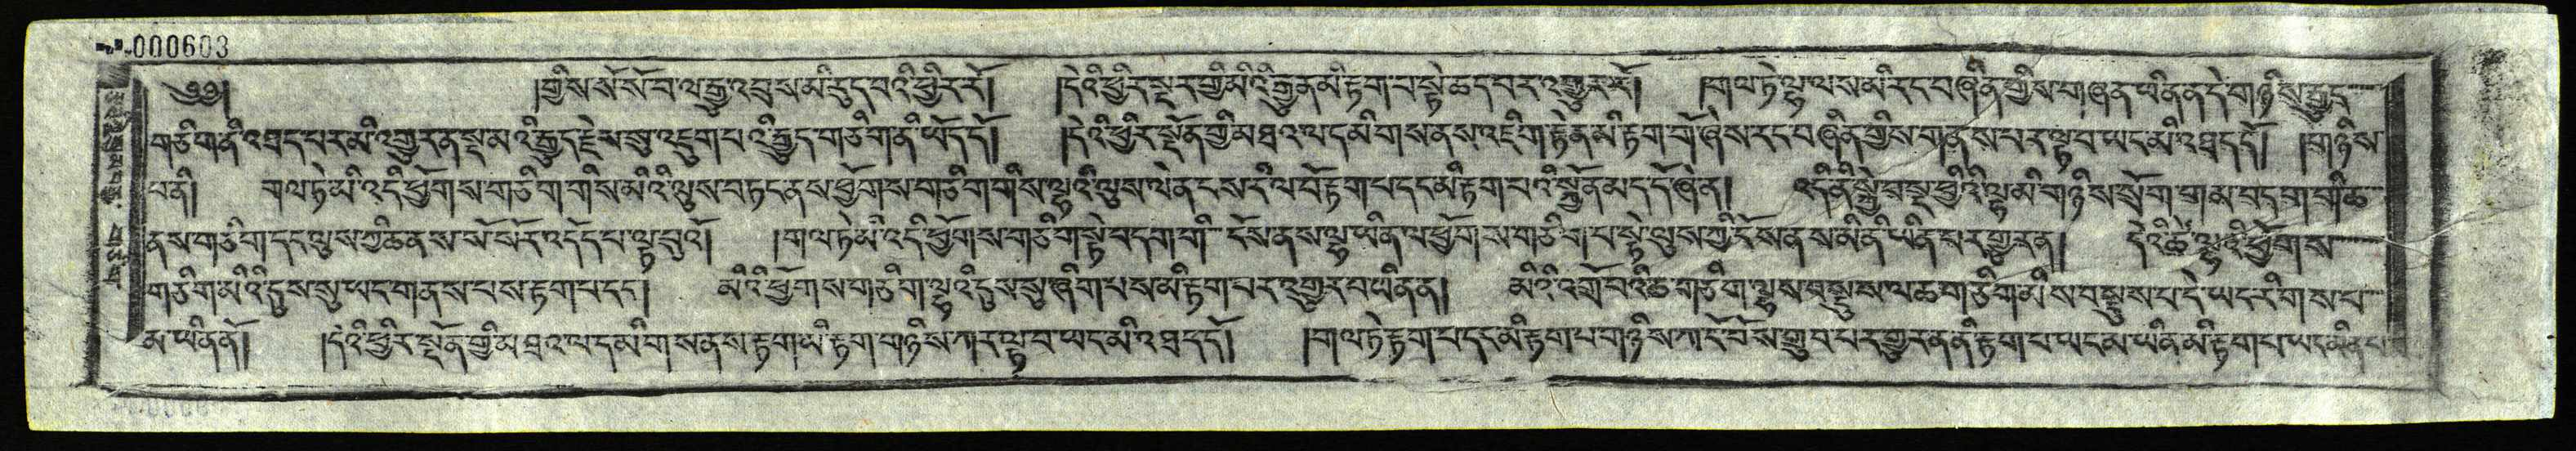༄༅། །གྱིས་སོ་སོ་བ་ལ་རྒྱུ་འབྲས་མི་རུང་བའི་ཕྱིར་རོ། །དེའི་ཕྱིར་སྔར་གྱི་མིའི་རྒྱུན་མི་རྟག་པ་སྟེ་ཆད་པར་འགྱུར་རོ། །གལ་ཏེ་ལྷ་ལས་མི་རང་བཞིན་གྱིས་གཞན་ཡིན་ན་དེ་གཉིས་རྒྱུད་
གཅིག་ནི་འཐད་པར་མི་འགྱུར་ན་སྔ་མའི་རྒྱུད་རྗེས་སུ་འཇུག་པའི་རྒྱུད་གཅིག་ནི་ཡོད་དོ། །དེའི་ཕྱིར་སྔོན་གྱི་མཐའ་ལ་དམིགས་ནས་འཇིག་རྟེན་མི་རྟག་གོ་ཞེས་རང་བཞིན་གྱིས་གནས་པར་ལྟ་བ་ཡང་མི་འཐད་དོ། །གཉིས་
པ་ནི། གལ་ཏེ་མི་འདི་ཕྱོགས་གཅིག་གིས་མིའི་ལུས་བཏང་ནས་ཕྱོགས་གཅིག་གིས་ལྷའི་ལུས་ལེན་པས་རི་ལ་པོ་རྟག་པ་དང་མི་རྟག་པའི་སྐྱོན་མད་དོ་ཞེ་ན། འདི་ནི་སྐྱེ་བ་སྔ་ཕྱིའི་ལྷ་མི་གཉིས་སྲོག་གམ་བདག་གི་ཆ་
ནས་གཅིག་དང་ལུས་ཀྱི་ཆ་ནས་སོ་སོར་འདོད་པ་ལྟ་བུའོ། །གལ་ཏེ་མི་འདི་ཕྱོགས་གཅིག་སྟེ་བདག་གི་ངོས་ནས་ལྷ་ཡིན་ལ་ཕྱོགས་གཅིག་པ་སྟེ་ལུས་ཀྱི་ངོས་ནས་མི་ནི་ཡིན་པར་གྱུར་ན། དེའི་ཚེ་ལྷའི་ཕྱོགས་
གཅིག་མིའི་དུས་སུ་ཡང་གནས་པས་རྟག་པ་དང་། མིའི་ཕྱོགས་གཅིག་ལྷའི་དུས་སུ་ཞིག་པས་མི་རྟག་པར་འགྱུར་བ་ཡིན་ན། མིའི་འགྲོ་བའི་ཆ་གཅིག་ལྷས་བསྡུས་ལ་ཆ་གཅིག་མིས་བསྡུས་པ་དེ་ཡང་རིགས་པ་
མ་ཡིན་ནོ། །དེའི་ཕྱིར་སྔོན་གྱི་མཐའ་ལ་དམིགས་ནས་རྟག་མི་རྟག་གཉིས་ཀར་ལྟ་བ་ཡང་མི་འཐད་དོ། །གལ་ཏེ་རྟག་པ་དང་མི་རྟག་པ་གཉིས་ཀ་ངོ་བོས་གྲུབ་པར་གྱུར་ན་ནི་རྟག་པ་ཡང་མ་ཡིན་མི་རྟག་པ་ཡང་མིན་པ་